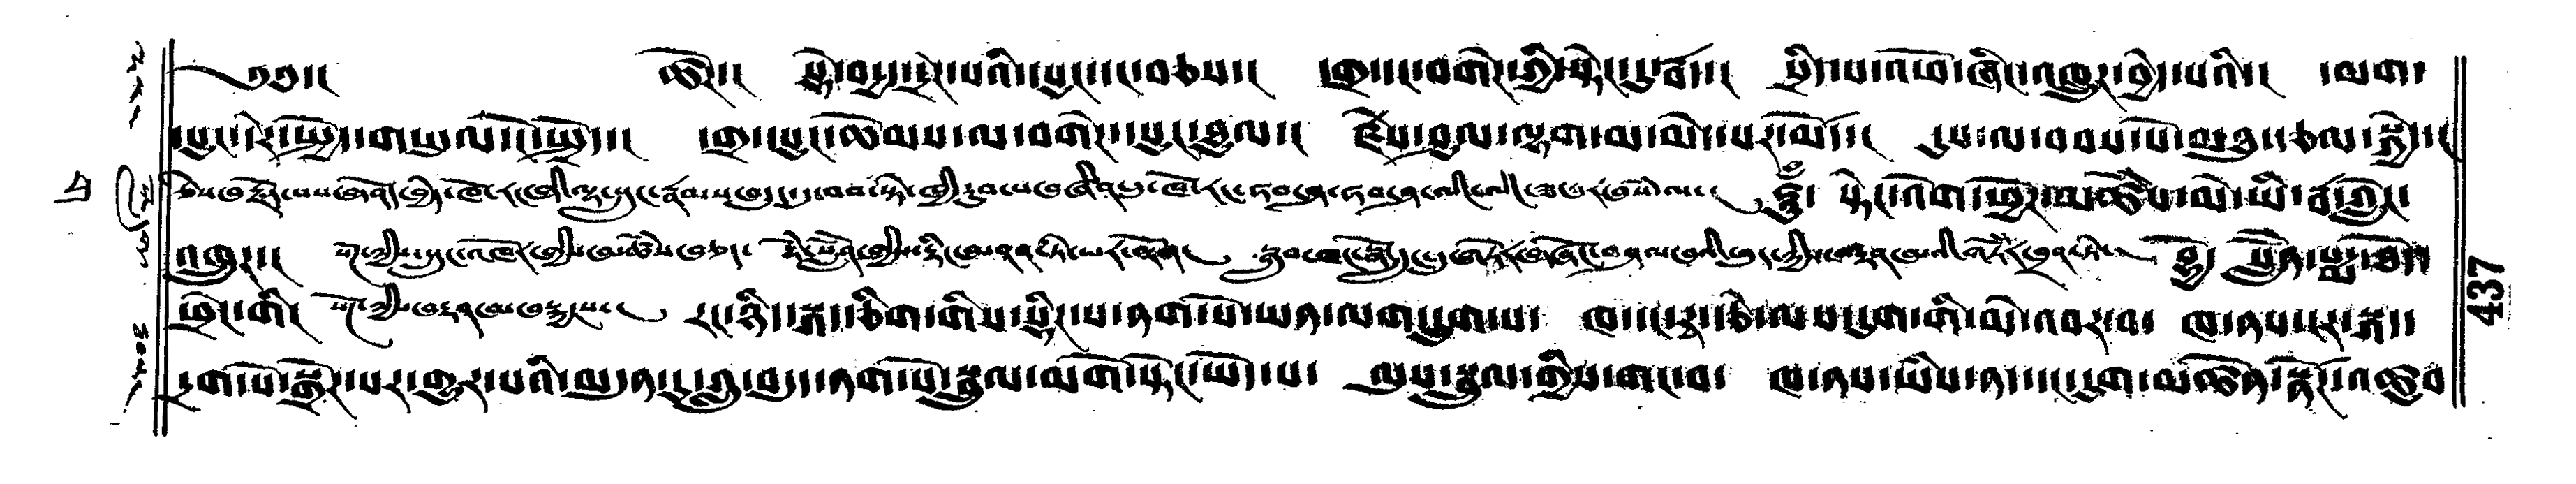ཚོགས། །སྡེ་བརྒྱད་དྲེགས་པའི་དཔུང་དང་བཅས། །དགྲ་དང་བགེགས་ཀྱི་སྟེང་དུ་རྦད། །སྲིད་པ་འཕོ་ཞིང་འཁྲུག་བྱེད་པའི། །དམག་
དཔུང་དེར་སྤྱོད་གཡུལ་ངོ་སྤྲོད། །དགྲ་དཔུང་ཆོམས་ལ་བགེགས་དཔུང་ཐུལ། །རྗེས་ཤུལ་ལྷག་མ་མེད་པར་མཛོད། །དུས་ལ་བབས་སོ་མཐུ་རྩལ་སྐྱེད། །
ཅེས་བརྗོད་པས་གནོད་བྱེད་ཁོ་རང་གི་ལྷ་སྲུང་རྣམས་བདུད་དུ་བབ་སྟཻ་ཁྱི་རུབ་པ་བཞིན་དུ་ཁོ་རང་ཧབ་ཤ་ཧབ་ཤ་ལིང་ལིང་ཟ་བར་བསམ་ལ། ཧཱུྃ། སྟེང་འོག་ཕྱོགས་མཚམས་མེ་ཡི་རྦ་ཀློང་
འཁྲུགས། ། སོགས་ཀྱིས་སྲུང་འཁོར་གྱིས་མཚམས་བཅད། རྡོ་རྗེ་སློབ་དཔོན་གྱིས་རྟིང་མནན་ཏེ་ཡར་ལྡོག སྒྲུབ་ཁང་སྒོ་དྲུང་གཏོར་གཞོང་བཤལ་བའི་ཕུད་ཀྱིས་བརྟན་མའི་གཏོར་མར་བྲན་ཏེ། བྷྱོ། སློབ་དཔོན་པདྨ་ཐོད་
ཕྲེང་གི་སོགས་ཀྱིས་བརྟན་མ་བསྐྱང་། རང་ཉིད་སྐད་ཅིག་གིས་སྡིག་པ་ནག་པོ་ཡན་ལག་དྲུག་པ། ཁ་དང་རྭ་རྩེ་ལས་དུག་གི་མེ་འབར་བ། ཁ་ནས་ངར་སྐད་
དྲག་པོ་སྒྲོག་པར་གྱུར་པའི་མདུན་དུ་ཀླུ་བདུད་ནག་པོ་སྦྲུལ་མགོ་སྟོང་ཡོད་པ། ལུས་སྦྲུལ་གྱིས་གང་བ།ཁ་ནས་ཡམས་ནད་དང་དུག་མཚོན་སྣ་ཚོགས་འཚུབ་